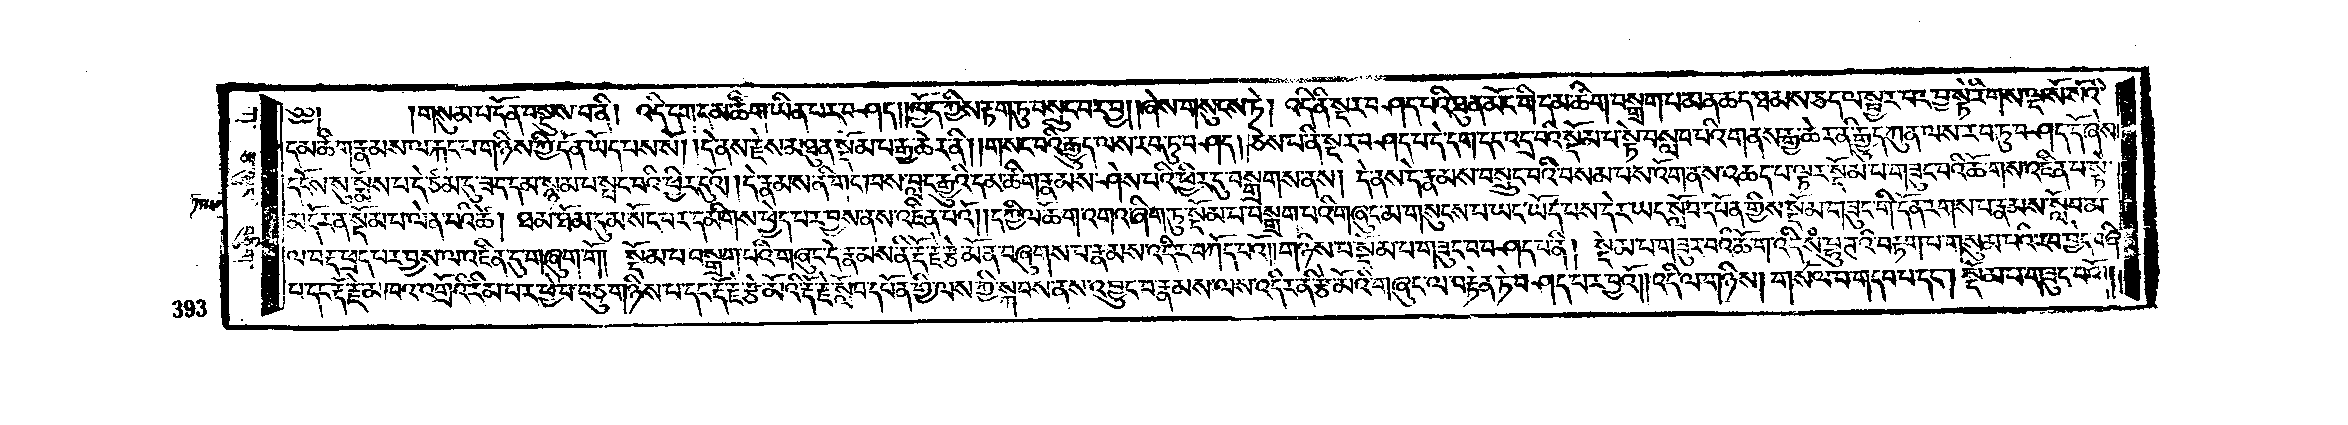༄༅། །གསུམ་པ་དོན་བསྡུས་པ་ནི། འདི་དག་དམ་ཚིག་ཡིན་པར་བཤད། །ཁྱོད་ཀྱིས་རྟག་ཏུ་བསྲུང་བར་བྱ། །ཞེས་གསུངས་ཏེ། འདི་ནི་སྔར་བཤད་པའི་ཐུན་མོང་གི་དམ་ཚིག་བསྒྲག་པ་མན་ཆད་ཐམས་ཅད་ལ་སྦྱར་བར་བྱ་སྟེ་རིགས་ལྔ་སོ་སོའི་
དམ་ཚིག་རྣམས་ལ་རྐང་པ་གཉིས་ཀྱི་དོན་ཡོད་པས་སོ། །དེ་ནས་རྗེས་མཐུན་སྡོམ་པ་རྒྱ་ཆེར་ནི། །གསང་བའི་རྒྱུད་ལས་རབ་ཏུ་བཤད། །ཅེས་པ་ནི་སྔར་བཤད་པ་དེ་དག་དང་འདྲ་བའི་སྡོམ་པ་སྟེ་བསླབ་པའི་གནས་རྒྱ་ཆེར་ནི་རྒྱུད་ཀུན་ལས་རབ་ཏུ་བཤད་དོ་ཞེས་
དངོས་སུ་སྨོས་པ་དེ་ཙམ་དུ་ཟད་དམ་སྙམ་པ་སྤང་བའི་ཕྱིར་དུའོ། །དེ་རྣམས་ནི་གང་ཁས་བླང་རྒྱུའི་དམ་ཚིག་རྣམས་ཤེས་པའི་ཕྱིར་དུ་བསྒྲགས་ནས། དེ་ནས་དེ་རྣམས་བསྲུང་བའི་བསམ་པས་འོག་ནས་འཆད་པ་ལྟར་སྡོམ་པ་གཟུང་བའི་ཆོ་གས་འཛིན་པ་སྟེ་
མདོར་ན་སྡོམ་པ་ལེན་པའི་ཚེ། ཐམ་ཐོམ་དུ་མ་སོང་བར་དམིགས་ཕྱེད་པར་བྱས་ནས་འཛིན་པའོ། །དཀྱིལ་ཆོག་འགའ་ཞིག་ཏུ་སྡོམ་པ་བསྒྲག་པའི་གཞུང་མ་གསུང་པ་ཡང་ཡོད་པས་དེར་ཡང་སློབ་དཔོན་གྱིས་སྡོམ་གཟུང་གི་དོན་རགས་པ་རྣམས་སློབ་མ་
ལ་བརྡ་ཕྲད་པར་བྱས་ལ་འཛིན་དུ་གཞུག་གོ། སྡོམ་པ་བསྒྲག་པའི་གཞུང་དེ་རྣམས་ནི་རྡོ་རྗེ་རྩེ་མོ་ན་བཞུགས་པ་རྣམས་འདིར་བཀོད་པའོ། །གཉིས་པ་སྡོམ་པ་གཟུང་བ་བཤད་པ་ནི། སྡོམ་པ་གཟུང་བའི་ཆོ་ག་འདི་སཾ་བྷུ་ཊའི་བརྟག་པ་གསུམ་པའི་རབ་བྱེད་བཞི་
པ་དང་རྡོ་རྗེ་མཁའ་འགྲོའི་རིམ་པར་ཕྱེ་བ་བཅུ་གཉིས་པ་དང་རྡོ་རྗེ་རྩེ་མོའི་རྡོ་རྗེ་སློབ་དཔོན་གྱི་ལས་ཀྱི་སྐབས་ནས་འབྱུང་བ་རྣམས་ལས་འདིར་ནི་རྩེ་མོའི་གཞུང་ལ་བརྟེན་ཏེ་བཤད་པར་བྱའོ། །འདི་ལ་གཉིས། གསོལ་བ་གདབ་པ་དང་། སྡོམ་པ་གཟུང་བའོ། །